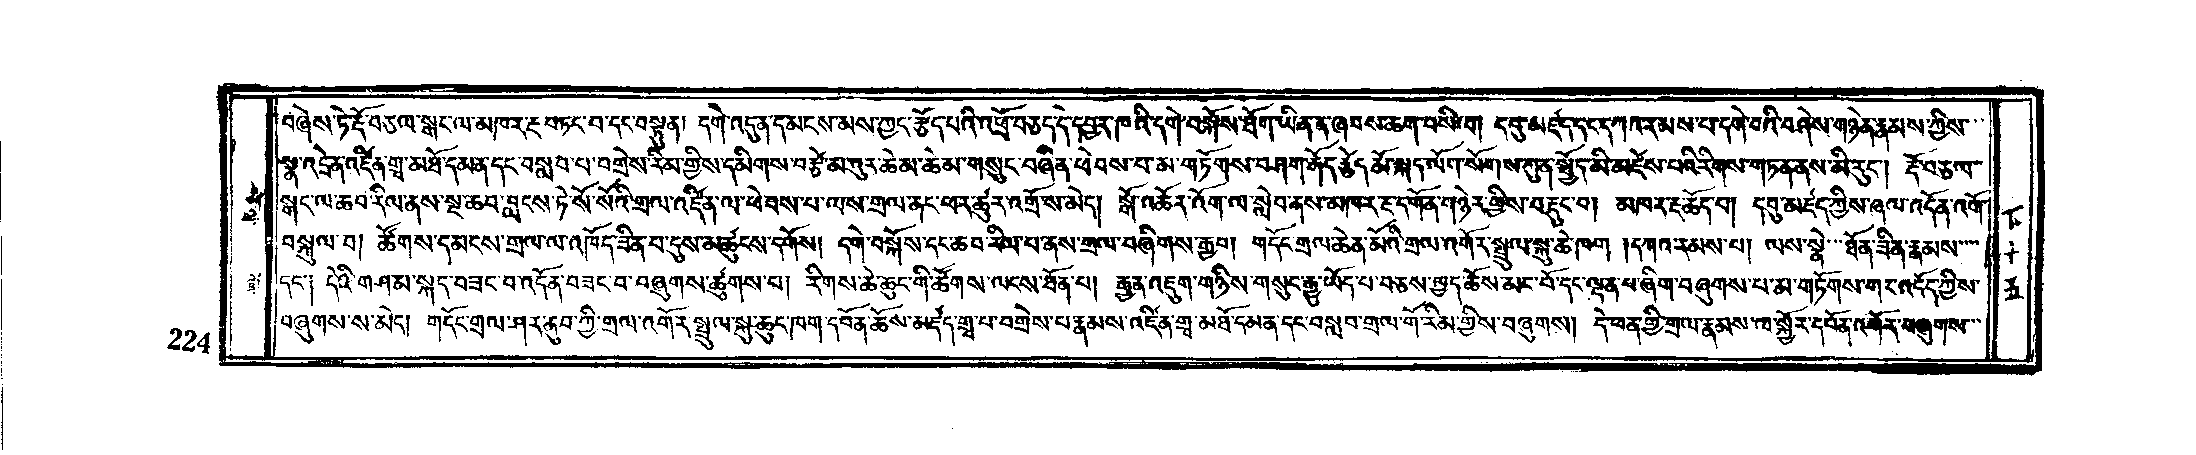བཞེས་ཏེ་རྡོ་བཅལ་སྒང་ལ་མཁར་རྔ་བཏང་བ་དང་བསྟུན། དགེ་འདུན་དམངས་མས་ཀྱང་རྩོད་པའི་འཕྲོ་བཅད་དེ་དབྱར་ཁའི་དགེ་བསྐོས་ཐོག་ཡིན་ན་ཞབས་ཆག་བསི?་ག?། དབུ་མཛད་དང་དཀའ་རམས་པ་དགེ་བའི་བཤེས་གཉེན་རྣམས་ཀྱིས་
སྣ་འདྲེན་འཛིན་གྲྭ་མཐོ་དམན་དང་བསླབ་པ་བགྲེས་རིམ་གྱིས་དམིགས་བརྩེ་མ་འུར་ཆེམ་ཆེམ་གསུང་བཞིན་ཕེབས་པ་མ་གཏོགས་བཤག་རྒོད་རྩོད་མོ་སྐད་ལོག་སོགས་ཀུན་སྤྱོད་མི་མཛེས་པའི་རིགས་གཏན་ནས་མི་རུང་། རྡོ་བཅལ་
སྒང་ལ་ཆབ་རིལ་ནས་སྔ་ཆབ་བླངས་ཏེ་སོ་སོའི་གྲལ་འཛིན་ལ་ཕེབས་པ་ལས་གྲལ་ནང་ཕར་ཚུར་འགྲོ་ས་མེད། སྒོ་འཆོར་འོག་ལ་སླེབ་ནས་མཁར་རྔ་དགོན་གཉེར་གྱིས་བརྡུང་བ། མཁར་རྔ་ཆོད་པ། དབུ་མཛད་ཀྱིས་ཞལ་འདོན་འགོ་
བསྐུལ་བ། ཚོགས་དམངས་གྲལ་ལ་འཁོད་ཟིན་པ་དུས་མཚུངས་དགོས། དགེ་བསྐོས་དང་ཆབ་རིལ་པ་ནས་གྲལ་བཞིགས་རྒྱབ། གདོང་གྲལ་ཆེན་མོའི་གྲལ་འགོར་སྤྲུལ་སྐུ་ཆེ་ཁག །དཀའ་རམས་པ། ལས་སྣེ་ཐོན་ཟིན་རྣམས་
དང༑ དེའི་གཤམ་སྐད་བཟང་བ་འདོན་བཟང་བ་བཞུགས་ཚུགས་པ། རིགས་ཆེ་ཆུང་གི་ཚོགས་ལངས་ཐོན་པ། རྒྱན་འཇུག་གཉིས་གསུང་རྒྱུ་ཡོད་པ་བཅས་ཁྱད་ཆོས་མང་པོ་དང་ལྡན་པ་ཞིག་བཞུགས་པ་མ་གཏོགས་གང་འདོད་ཀྱིས་
བཞུགས་ས་མེད། གདོང་གྲལ་ཤར་ནུབ་ཀྱི་གྲལ་འགོར་སྤྲུལ་སྐུ་ཆུང་ཁག་དབོན་ཆོས་མཛད་གྲྭ་པ་བགྲེས་པ་རྣམས་འཛིན་གྲྭ་མཐོ་དམན་དང་བསླབ་གྲལ་གོ་རིམ་གྱིས་བཞུགས། དེ་ཕན་གྱི་གྲལ་རྣམས་ལ་སྐྱོར་དབོན་འགོར་བཞུགས་